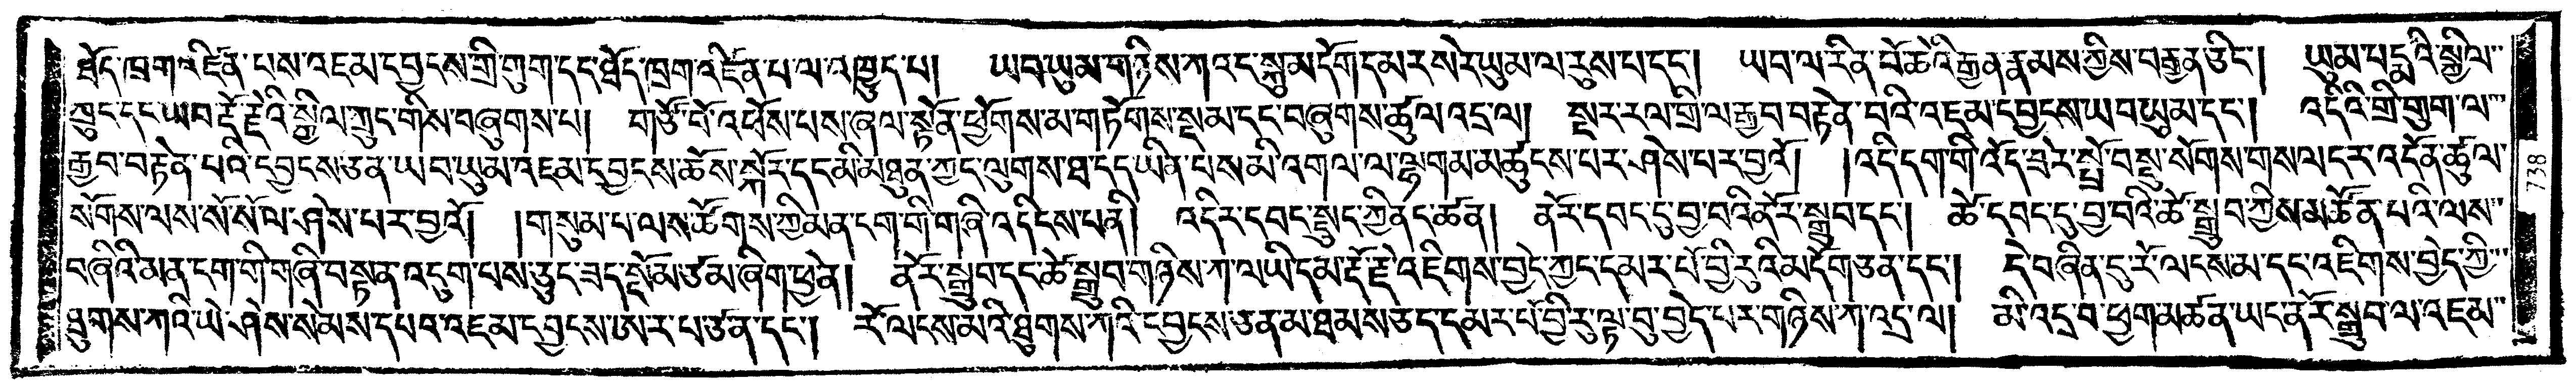ཐོད་ཁྲག་འཛིན་པས་འཇམ་དབྱངས་གྲི་གུག་དང་ཐོད་ཁྲག་འཛིན་པ་ལ་འཁྱུད་པ། ཡབ་ཡུམ་གཉིས་ཀའང་སྐུ་མདོག་དམར་སེར་ཡུམ་ལ་རུས་པ་དང་། ཡབ་ལ་རིན་པོ་ཆེའི་རྒྱན་རྣམས་ཀྱིས་བརྒྱན་ཅིང་། ཡུམ་པདམའི་སྐྱིལ་
ཁྲུང་དང་ཡབ་རྡོ་རྗེའི་སྐྱིལ་ཀྲུང་གིས་བཞུགས་པ། གཙོ་བོ་འཕོས་པས་ཞལ་སྟོན་ཕྱོགས་མ་གཏོགས་སྔ་མ་དང་བཞུགས་ཚུལ་འདྲ་ལ། སྔར་རལ་གྲི་ལ་རྒྱབ་བརྟེན་པའི་འཇམ་དབྱངས་ཡབ་ཡུམ་དང་། འདིའི་གྲི་གུག་ལ་
རྒྱབ་བརྟེན་པའི་དབྱངས་ཅན་ཡབ་ཡུམ་འཇམ་དབྱངས་ཆོས་སྐོར་དང་མི་མཐུན་ཀྱང་ལུགས་ཐ་དད་ཡིན་པས་མི་འགལ་ལ་ལྷག་མ་མཚུངས་པར་ཤེས་པར་བྱའོ། །འདི་དག་གི་འོད་ཟེར་སྤྲོ་བསྡུ་སོགས་གསལ་ངར་འདོན་ཚུལ་
སོགས་ལས་སོ་སོ་ལ་ཤེས་པར་བྱའོ། །གསུམ་པ་ལས་ཚོགས་ཀྱི་མན་ངག་གི་གཞི་འདིངས་པ་ནི། འདིར་དབང་སྡུད་ཀྱི་ནང་ཚན། ནོར་དབང་དུ་བྱ་བའི་ནོར་སྒྲུབ་དང་། ཚེ་དབང་དུ་བྱ་བའི་ཚེ་སྒྲུབ་ཀྱིས་མཚོན་པའི་ལས་
བཞིའི་མན་ངག་གི་གཞི་བསྟན་འདུག་པས་ཅུང་ཟད་སྡོམ་ཙམ་ཞིག་ཕྱེ་ན། ནོར་སྒྲུབ་དང་ཚེ་སྒྲུབ་གཉིས་ཀ་ལ་ཡི་དམ་རྡོ་རྗེ་འཇིགས་བྱེད་ཀྱང་དམར་པོ་བྱི་རུའི་མདོག་ཅན་དང་། དེ་བཞིན་དུ་རོ་ལངས་མ་དང་འཇིགས་བྱེད་ཀྱི་
ཐུགས་ཀའི་ཡེ་ཤེས་སེམས་དཔའ་འཇམ་དབྱངས་ཨ་ར་པ་ཙ་ན་དང་། རོ་ལངས་མའི་ཐུགས་ཀའི་དབྱངས་ཅན་མ་ཐམས་ཅད་དམར་པོ་བྱི་རུ་ལྟ་བུ་བྱེད་པར་གཉིས་ཀ་འདྲ་ལ། མི་འདྲ་བ་ཕྱག་མཚན་ཡང་ནོར་སྒྲུབ་ལ་འཇམ་